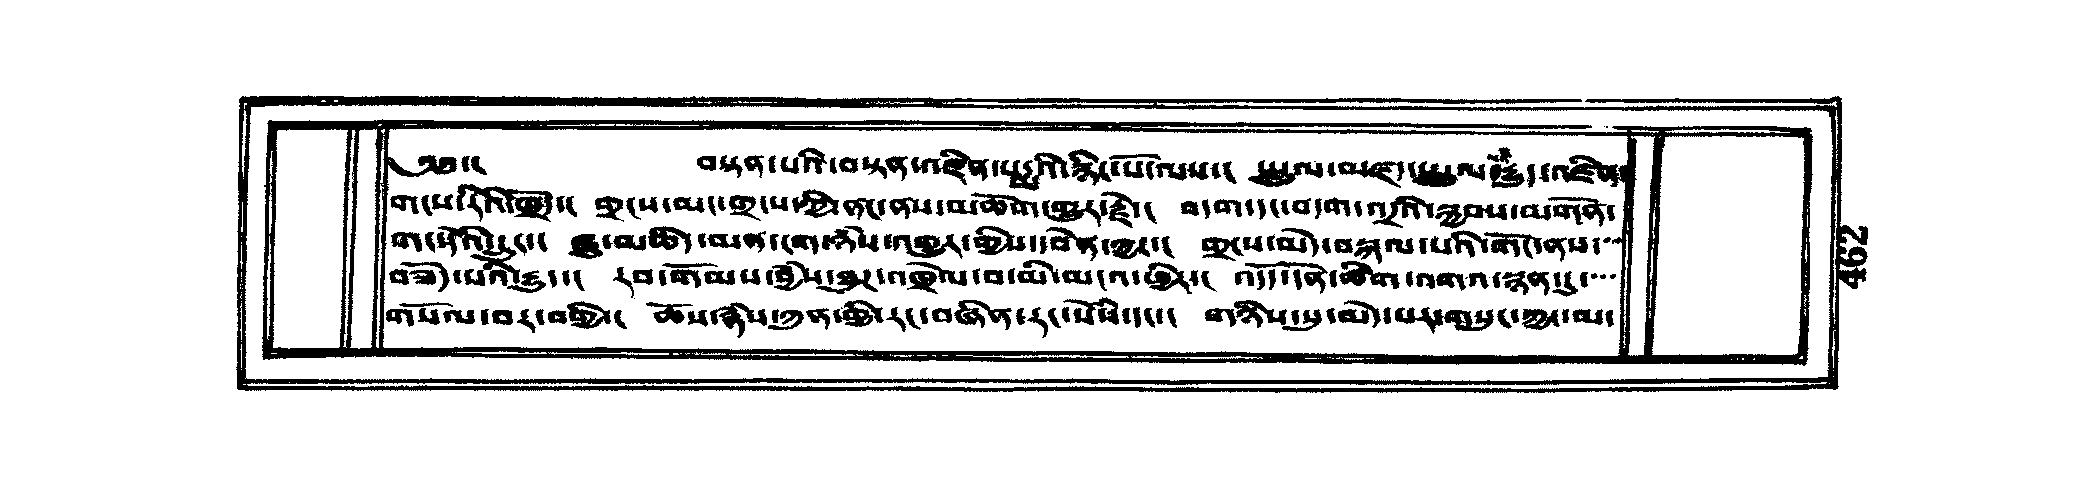བསྟན་པའི་བསྟན་འཛིན་པདྨའི་སྙིང་པོ་ལས། །སྤྲུལ་མཛད་སྤྲུལ་པའི་རྒྱུད་འཛིན་
གངས་རིའི་ཁྲོད། །གྲངས་མང་གྲངས་ཀྱི་ནང་ནས་མཆོག་གྱུར་རྗེ། །བདག་དང་བདག་འདྲའི་སྐྱབས་མགོན་
གང་དེའི་དྲུང་། །ཞུ་མཆིད་སྙན་ངག་ཉམས་འགྱུར་གྱིས་དབེན་ཀྱང་། །གྲངས་མེད་བསྐལ་པའི་གོང་ནས་
བཟོད་པའི་རྒྱུད། །རབ་གོམས་བྱམས་ཐུགས་འཁྲེལ་བ་མི་མངའ་ཕྱིར། །འདོད་དོན་ཚིག་འགའ་སྙན་དུ་
གསོལ་བར་བགྱི། །ཆོས་རྣམས་ཀུན་གྱི་རང་བཞིན་རང་སེམས་དང་། །གཉིས་སུ་མེད་པར་གསུངས་ཀྱང་མ་